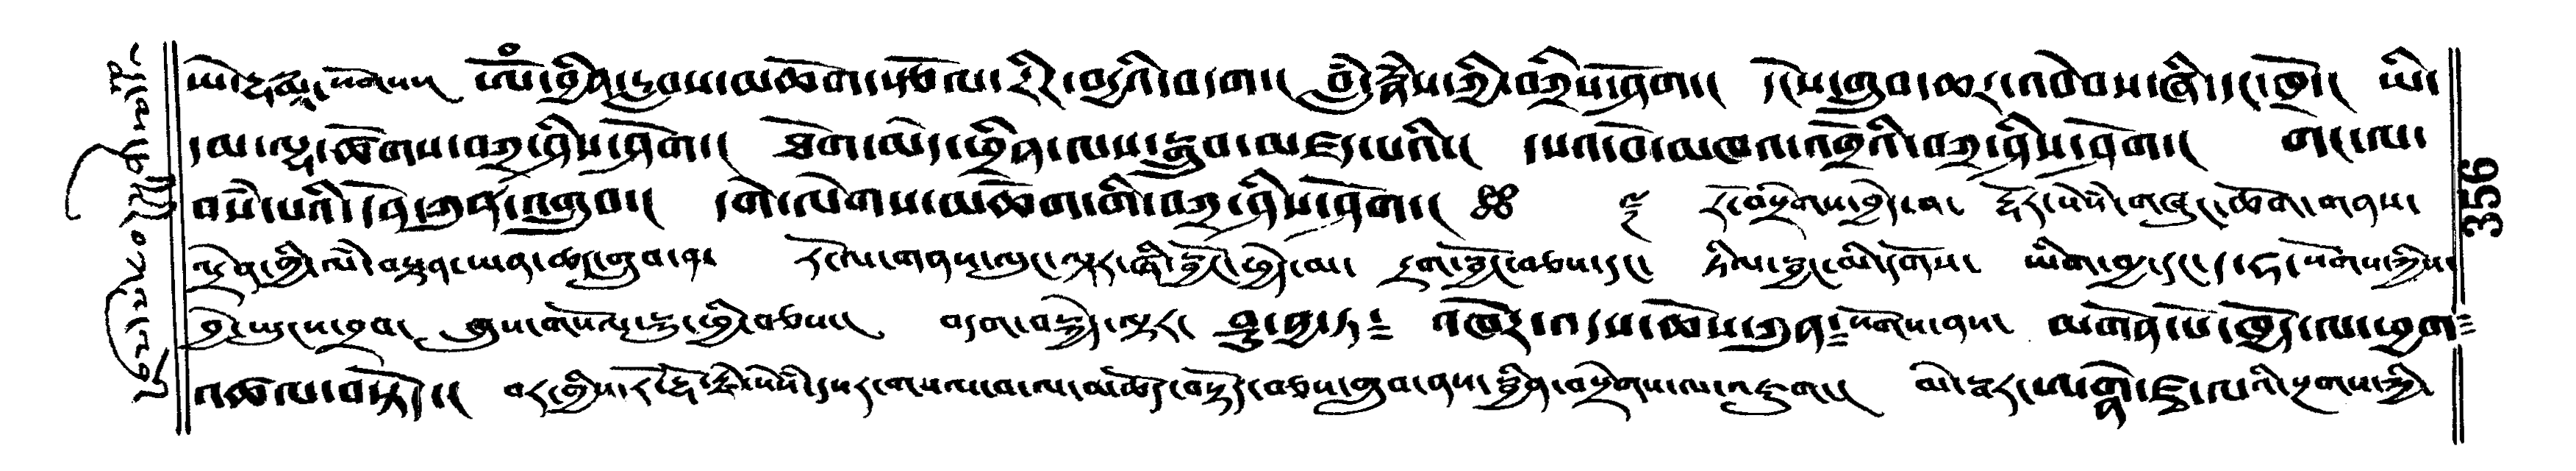ཡེ་དྷརྨ་སོགས། ཨོཾ། བྱིན་རླབས་མཆོག་སྩོལ་རིགས་བརྒྱའི་བདག །བླ་མ་རྣམས་ཀྱི་བཀྲ་ཤིས་ཤོག །དངོས་གྲུབ་ཆར་འབེབས་ཞི་དང་ཁྲོ། །ཡི་
དམ་ལྷ་ཚོགས་བཀྲ་ཤིས་ཤོག ཐོགས་མེད་ཕྲིན་ལས་སྒྲུབ་མཛད་པའི། །དཔའ་བོ་མཁའ་འགྲོའི་བཀྲ་ཤིས་ཤོག །གང་ལ་
བསམ་པའི་དོན་ཀུན་འགྲུབ། །དགེ་ལེགས་མཆོག་གི་བཀྲ་ཤིས་ཤོག ༈ རོ་སྲེག་བྱེད་ན། རྡོར་སེམས་གཞུང་ཆོག་གནས་
འདྲེན་གྱི་ལམ་བསྟན་ཡན་ཆད་གྲུབ་ནས། རོ་ལ་གནས་ལུང་ལྟར་ཞི་སྦྱོང་ཕྱེད་མ། དྲག་སྦྱོང་བཅས་དང་། ཏིལ་སྦྱང་མི་དགོས། ཡིག་བརྒྱ་དང་། ད་ཧ༴ སོགས་ཀྱིས་
བྱེ་ཡུངས་བྲབ། ཁྲུས་གསོལ་སྐུ་ཕྱི་བཅས། བདག་བསྐྱེད་ལྟར། ཤུ་ནྱ་ཏ༴ འཁོར་འདས་ཆོས་ཀུན༴ སོགས་ནས། མགོན་པོ་ཁྱོད་ལ་ཕྱག་
འཚལ་བསྟོད། བར་གྱིས་རོ་རྡོ་རྗེ་སེམས་དཔར་གསལ་བ་ལ་མཆོད་བསྟོད་བཅས་གྲུབ་ནས་སྦྱིན་སྲེག་ལ་འཇུག། མེ་སྦར ། ཨགྣེ་ཛྭ་ལ འི་སྔགས་ཀྱི་